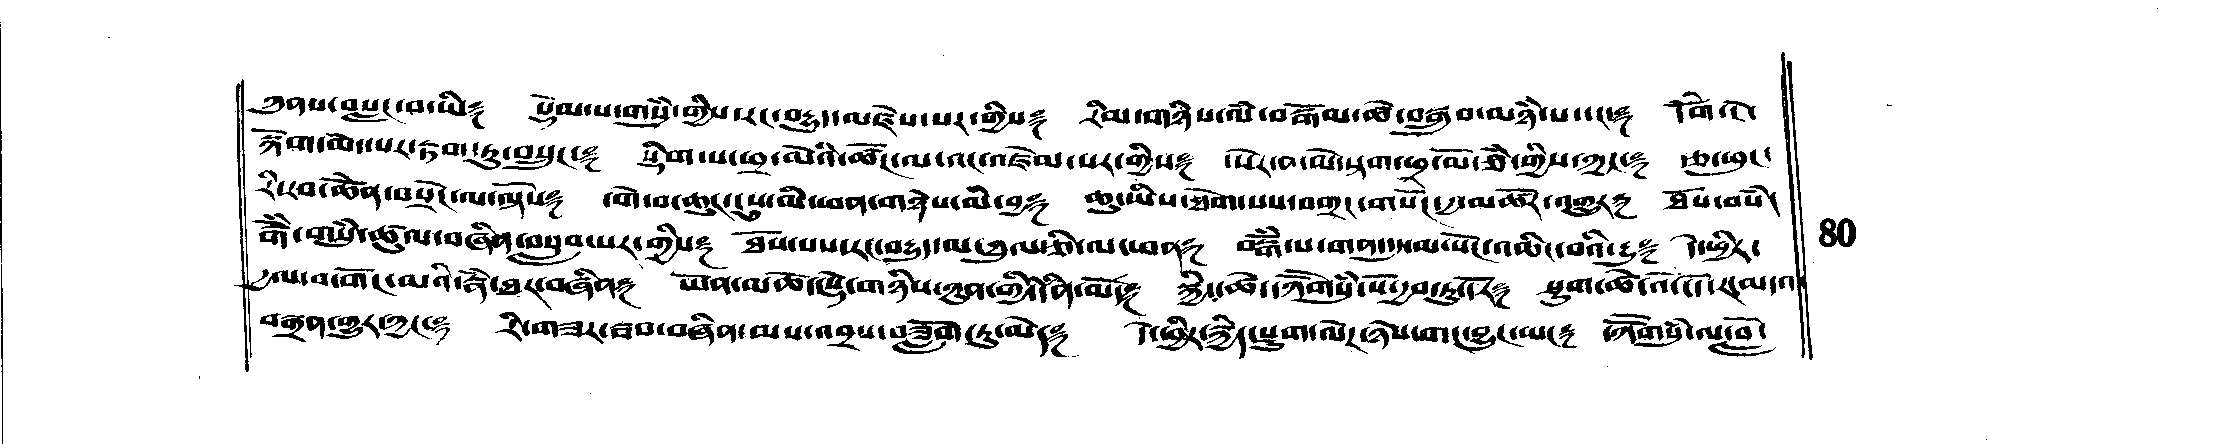ཀུན་ནས་བསླང་བ་ཡི། །སྡོམ་པ་གསུམ་གྱིས་རང་རྒྱུད་མཛེས་པར་གྱིས། །རིམ་གཉིས་ལམ་བསྒོམ་ཚེ་བསྒྲུབ་མཉམ་པ་དང་། །དམ་ཚིག་ངོ
་སྐོག་མེད་པར་རྟག་ཏུ་བསྲུང་། །སྡིག་པ་ཕྲ་མོའི་ཚོགས་ལའང་འཛེམ་པར་གྱིས། །དཔེར་ན་མེ་སྟག་ཕྲ་མོ་ཙམ་གྱིས་ཀྱང་། །རྩ་ཕུང་
རི་རབ་ཆེན་པོ་བསྲེགས་ལ་ལྟོས། །དགེ་བ་ཆུང་ངུས་མི་ཕན་བརྙས་མི་བྱ། །ཆུ་ཡིས་ཐིགས་པས་བགྲང་གསོག་རྒྱ་མཚོར་འགྱུར། །ཐོས་བསམ་
སྒོམ་གསུམ་ཚུལ་བཞིན་བསླབ་པར་གྱིས། །ཐོས་པས་རང་རྒྱུད་མ་ཐུལ་ཅི་ལ་ཕན། །སྒོམ་པ་གནད་དུ་མ་སོང་འཆིང་བའི་རྒྱུ། །དེ་ཕྱིར་
རྒྱལ་བ་གོང་མའི་རྣམ་ཐར་བཞིན། །ཡོན་མཆོད་སྡེ་གཉིས་ཀུན་གྱིས་དེ་བཞིན་མཛོད། །སྐྱིད་ཚེ་དཀོན་མཆོག་གསུམ་པོ་རྒྱབ་ཏུ་དོར། །སྡུག་ཚེ་འོ་དོད་ར་མདའ་
སྦྲན་གྱུར་ཀྱང་། །རི་གཟར་རྦབ་བཞིན་ལས་འབྲས་བཟློག་ཏུ་མེད། །དེ་ཕྱིར་སྐྱིད་སྡུག་ལེགས་ཉེས་གང་བྱུང་ཡང་། །དཀོན་མཆོག་གསུམ་ལ་བློ་